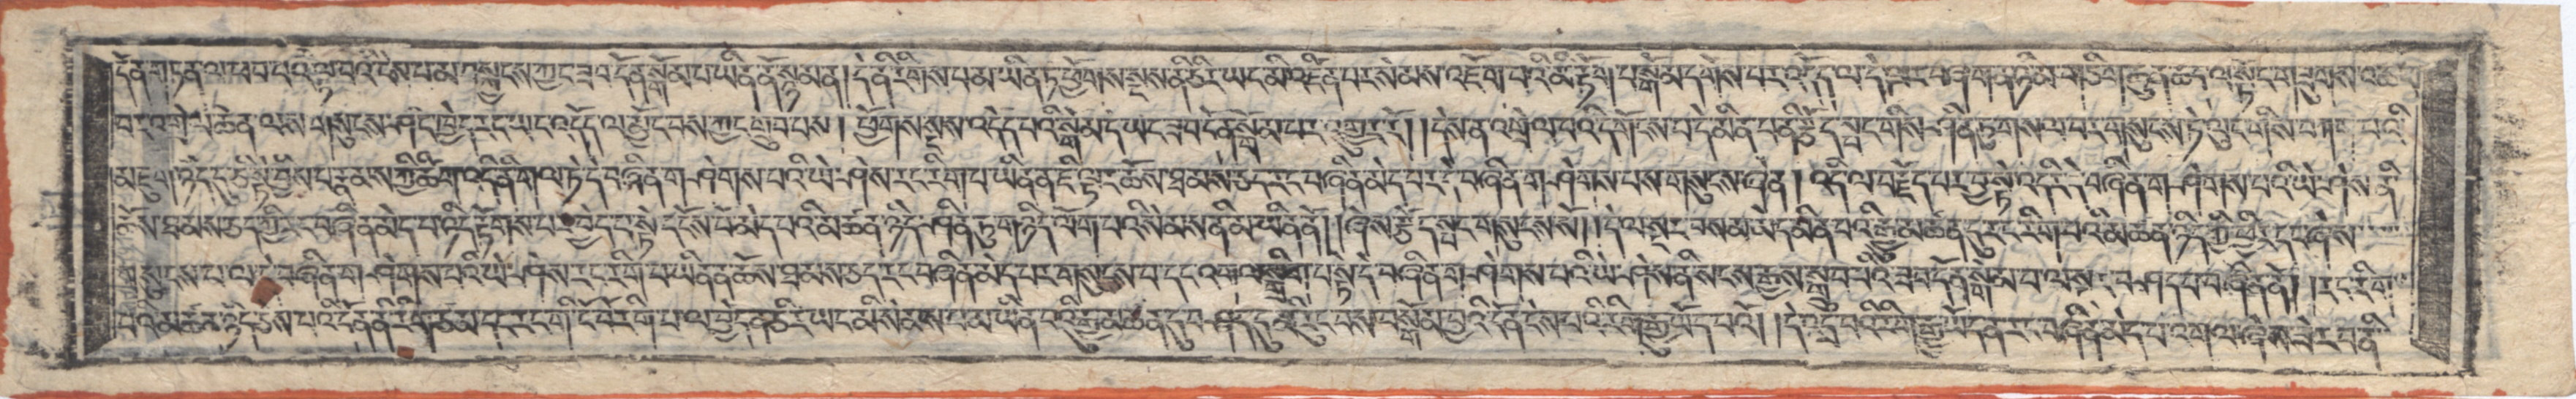དོན་གཏན་ལ་ཕབ་པའི་ལྟ་བའི་ངེས་པ་མ་བསྐྱངས་ཀྱང་ཟབ་དོན་སྒོམ་པ་ཡིན་ནོ་སྙམ་ན། དེ་ནི་རིགས་པ་མ་ཡིན་ཏེ་ཕྱོགས་སྔས་ནི་ཅིར་ཡང་མི་འཛིན་པར་སེམས་འཇོག་པའི་མི་རྟོག་པ་སྒོམ་དགོས་པར་འདོད་ལ་དེ་ལྟར་བཞག་ན་ཉི་མ་གཅིག་ཚུན་ཆད་ལ་སྟོང་གཟུགས་འཆར་
བར་འགྲེལ་ཆེན་ལས་གསུངས་ཤིང་ཁྱེད་རང་ཡང་འདོད་ལ་མྱོང་བས་ཀྱང་གྲུབ་པས། ཕྱོགས་སྔས་འདོད་པའི་སྒོམ་དེ་ཡང་ཟབ་དོན་སྒོམ་པར་འགྱུར་རོ། །དེས་ན་འགྲེལ་པའི་དགོངས་པ་དེ་མིན་པ་ནི་རྩོད་སྤང་གིས་ཤིན་ཏུ་གསལ་བར་གསུངས་ཏེ་ལུང་གིས་བཀག་པའི་
མཇུག་ཉིད་དུ་ཅི་སྟེ་བྱིས་པ་རྣམས་ཀྱི་ཚིག་འདི་ནི་གལ་ཏེ་དེ་བཞིན་གཤེགས་པའི་ཡེ་ཤེས་རང་རིག་པ་ཡིན་ན་ཇི་ལྟར་ཆོས་ཐམས་ཅད་རང་བཞིན་མེད་པར་དེ་བཞིན་གཤེགས་པས་གསུངས་ཞེ་ན། འདི་ལ་བརྗོད་པར་བྱ་སྟེ་འདིར་དེ་བཞིན་གཤེགས་པའི་ཡེ་ཤེས་ནི་
ཆོས་ཐམས་ཅད་ཀྱི་རང་བཞིན་མེད་པ་ཉིད་རྟོགས་པར་བྱེད་པ་སྟེ་དངོས་པོ་མེད་པའི་མཚན་ཉིད་ཤིན་ཏུ་གཉིད་ལོག་པའི་སེམས་ནི་མ་ཡིན་ནོ། །ཞེས་རྩོད་སྤང་གསུངས་སོ། །དེ་ལ་སྔར་བསམ་མེད་མིན་པའི་རྒྱུ་མཚན་དུ་རང་རིག་པའི་མཚན་ཉིད་ཀྱི་ཕྱིར་དང་ཞེས་
གསུངས་པ་ལ་དེ་བཞིན་གཤེགས་པའི་ཡེ་ཤེས་རང་རིག་པ་ཡིན་ན་ཆོས་ཐམས་ཅད་རང་བཞིན་མེད་པར་གསུངས་པ་དང་འགལ་སྒྲིག་པ་སྟེ་དེ་བཞིན་གཤེགས་པའི་ཡེ་ཤེས་ནི་སངས་རྒྱས་སྒྲུབ་པའི་ཟབ་དོན་སྒོམ་པ་ལ་སྔར་བཤད་པ་བཞིན་ནོ། །རང་རིག་
པའི་མཚན་ཉིད་ཅེས་པའི་དོན་ནི་རིག་ཙམ་དང་རང་གི་ངོ་བོ་རིག་པ་ལ་བྱེད་ན་ཅིར་ཡང་མི་སེམས་ཕ་མ་ཡིན་པའི་རྒྱུ་མཚན་དུ་བཤད་དུ་མི་རུང་བས་བསྒོམ་བྱའི་དོན་ངེས་པའི་རིག་རྒྱུ་ཡོད་པའོ། །དེ་འདྲ་བའི་རིག་རྒྱུ་ཡོད་ན་རང་བཞིན་མེད་པ་འགལ་ཞེས་ཟེར་བ་ནི་